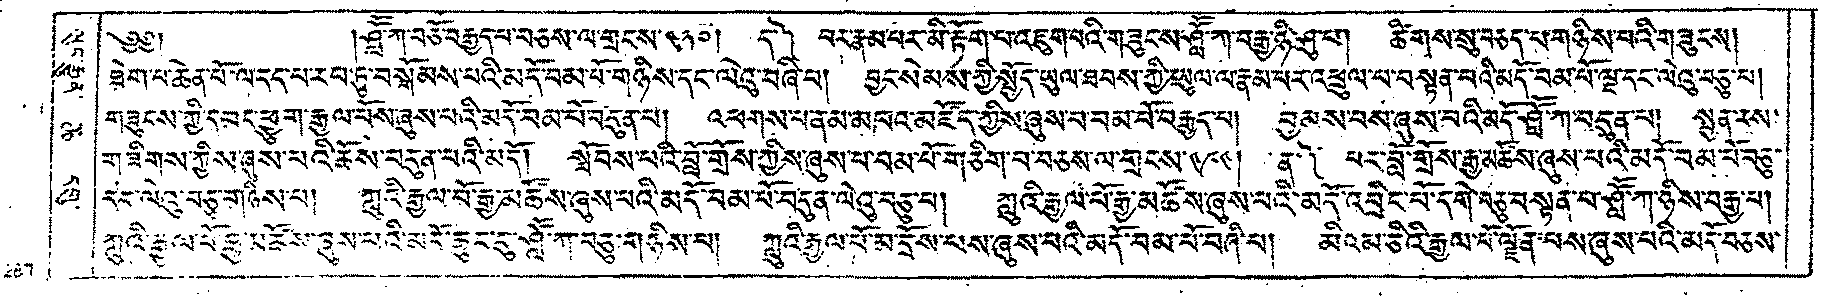༄༅། །ཤླཽ་ཀ་བཅོ་བརྒྱད་པ་བཅས་ལ་གྲངས ༤༢༠། ད྄་པར་རྣམ་པར་མི་རྟོག་པ་འཇུག་པའི་གཟུངས་ཤླཽ་ཀ་བརྒྱ་ཉི་ཤུ་པ། ཚིགས་སུ་བཅད་པ་གཉིས་པའི་གཟུངས།
ཐེག་པ་ཆེན་པོ་ལ་དད་པ་རབ་ཏུ་བསྒོམས་པའི་མདོ་བམ་པོ་གཉིས་དང་ལེའུ་བཞི་པ། བྱང་སེམས་ཀྱི་སྤྱོད་ཡུལ་ཐབས་ཀྱི་ཡུལ་ལ་རྣམ་པར་འཕྲུལ་པ་བསྟན་པའི་མདོ་བམ་པོ་ལྔ་དང་ལེའུ་བཅུ་པ།
གཟུངས་ཀྱི་དབང་ཕྱུག་རྒྱལ་པོས་ཞུས་པའི་མདོ་བམ་པོ་བདུན་པ། འཕགས་པ་ནམ་མཁའ་མཛོད་ཀྱིས་ཞུས་པ་བམ་པོ་བརྒྱད་པ། བྱམས་པས་ཞུས་པའི་མདོ་ཤླཽ་ཀ་བདུན་པ། སྤྱན་རས་
གཟིགས་ཀྱིས་ཞུས་པའི་ཆོས་བདུན་པའི་མདོ། སྤོབས་པའི་བློ་གྲོས་ཀྱིས་ཞུས་པ་བམ་པོ་གཅིག་པ་བཅས་ལ་གྲངས ༤༩༤། ན྄་པར་བློ་གྲོས་རྒྱ་མཚོས་ཞུས་པའི་མདོ་བམ་པོ་བཅུ་
དང་ལེའུ་བཅུ་གཉིས་པ། ཀླུའི་རྒྱལ་པོ་རྒྱ་མཚོས་ཞུས་པའི་མདོ་བམ་པོ་བདུན་ལེའུ་བཅུ་པ། ཀླུའི་རྒྱལ་པོ་རྒྱ་མཚོས་ཞུས་པའི་མདོ་འབྲིང་པོ་དགེ་བཅུ་བསྟན་པ་ཤླཽ་ཀ་ཉིས་བརྒྱ་པ།
ཀླུའི་རྒྱལ་པོ་རྒྱ་མཚོས་ཞུས་པའི་མདོ་ཆུང་ངུ་ཤླཽ་ཀ་བཅུ་གཉིས་པ། ཀླུའི་རྒྱལ་པོ་མ་དྲོས་པས་ཞུས་པའི་མདོ་བམ་པོ་བཞི་པ། མིའམ་ཅིའི་རྒྱལ་པོ་ལྗོན་པས་ཞུས་པའི་མདོ་བཅས་